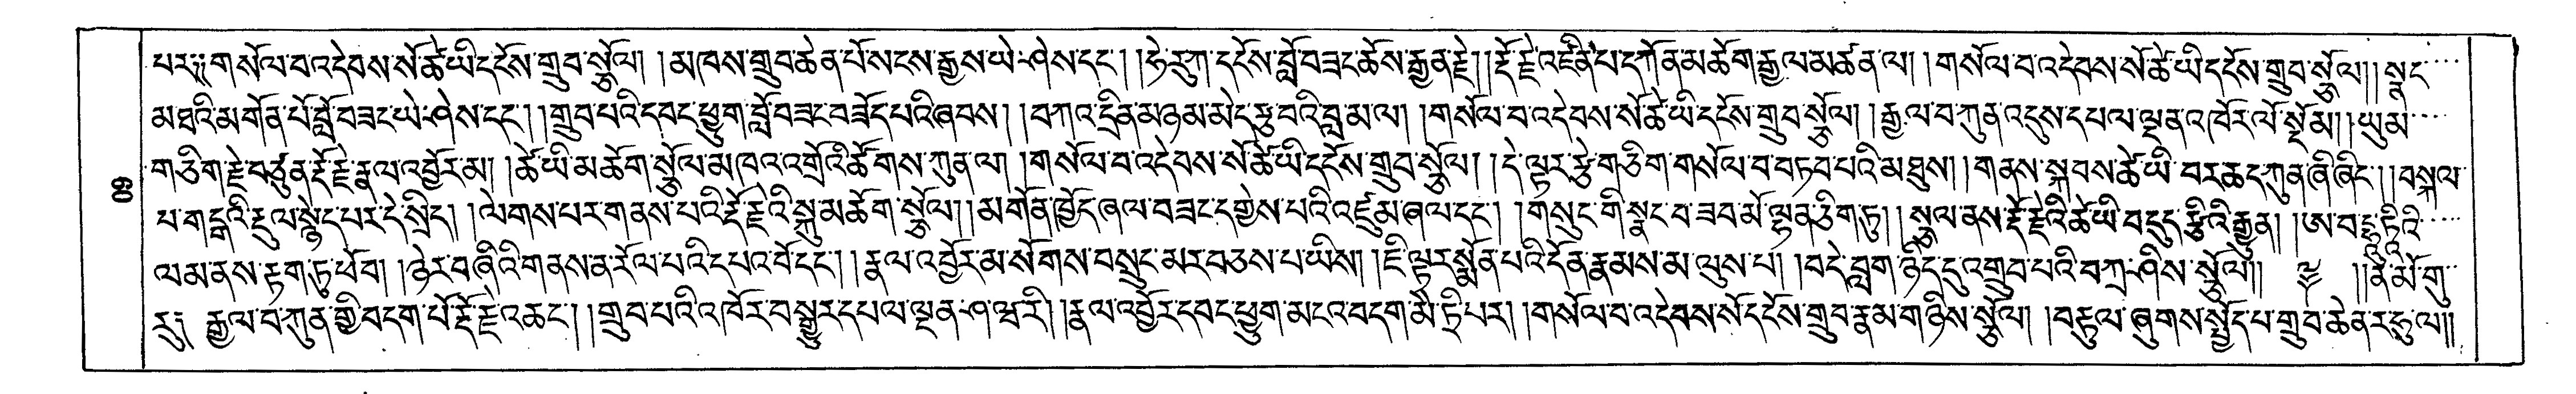པར༑ ༑གསོལ་བ་འདེབས་སོ་ཚེ་ཡི་དངོས་གྲུབ་སྩོལ། །མཁས་གྲུབ་ཆེན་པོ་སངས་རྒྱས་ཡེ་ཤེས་དང་། །ཧེ་རུ་ཀ་དངོས་བློ་བཟང་ཆོས་རྒྱན་རྗེ། །རྡོ་རྗེ་འཛིན་པ་དཀོན་མཆོག་རྒྱལ་མཚན་ལ། །གསོལ་བ་འདེབས་སོ་ཚེ་ཡི་དངོས་གྲུབ་སྩོལ། །སྣང་
མཐའི་མགོན་པོ་བློ་བཟང་ཡེ་ཤེས་དང་། །གྲུབ་པའི་དབང་ཕྱུག་བློ་བཟང་བཟོད་པའི་ཞབས། །བཀའ་དྲིན་མཉམ་མེད་རྩ་བའི་བླ་མ་ལ། །གསོལ་བ་འདེབས་སོ་ཚེ་ཡི་དངོས་གྲུབ་སྩོལ། །རྒྱལ་བ་ཀུན་འདུས་དཔལ་ལྡན་འཁོར་ལོ་སྡོམ། །ཡུམ་
གཅིག་རྗེ་བཙུན་རྡོ་རྗེ་རྣལ་འབྱོར་མ། །ཚེ་ཡི་མཆོག་སྩོལ་མཁའ་འགྲོའི་ཚོགས་ཀུན་ལ། །གསོལ་བ་འདེབས་སོ་ཚེ་ཡི་དངོས་གྲུབ་སྩོལ། །དེ་ལྟར་རྩེ་གཅིག་གསོལ་བ་བཏབ་པའི་མཐུས། །གནས་སྐབས་ཚེ་ཡི་བར་ཆད་ཀུན་ཞི་ཞིང་། །བསྐལ་
པ་གངྒའི་རྡུལ་སྙེད་བར་དེ་སྲིད། །ལེགས་པར་གནས་པའི་རྡོ་རྗེའི་སྐུ་མཆོག་སྩོལ། །མགོན་ཁྱོད་ཞལ་བཟང་དགྱེས་པའི་འཛུམ་ཞལ་དང་། །གསུང་གི་སྣང་བ་ཟབ་མོ་ལྷན་ཅིག་ཏུ། །སྩལ་ནས་རྡོ་རྗེའི་ཚེ་ཡི་བདུད་རྩིའི་རྒྱུན། །ཨ་བ་དྷཱུ་ཏཱིའི་
ལམ་ནས་རྟག་ཏུ་ཕོབ། །ཉེར་བཞིའི་གནས་ན་རོལ་པའི་དཔའ་པོ་དང་། །རྣལ་འབྱོར་མ་སོགས་བསྲུང་མར་བཅས་པ་ཡིས། །ཇི་ལྟར་སྨོན་པའི་དོན་རྣམས་མ་ལུས་པ། །བདེ་བླག་ཉིད་དུ་འགྲུབ་པའི་བཀྲ་ཤིས་སྩོལ།། ༈ །།ན་མོ་གུ་
རུ༑ རྒྱལ་བ་ཀུན་གྱི་བདག་པོ་རྡོ་རྗེ་འཆང་། །གྲུབ་པའི་འཁོར་བསྒྱུར་དཔལ་ལྡན་ཤ་ཝ་རི། །རྣལ་འབྱོར་དབང་ཕྱུག་མངའ་བདག་མཻ་ཏྲི་པར། །གསོལ་བ་འདེབས་སོ་དངོས་གྲུབ་རྣམ་གཉིས་སྩོལ། །བརྟུལ་ཞུགས་སྤྱོད་པ་གྲུབ་ཆེན་རཱ་ཧུ་ལ།།